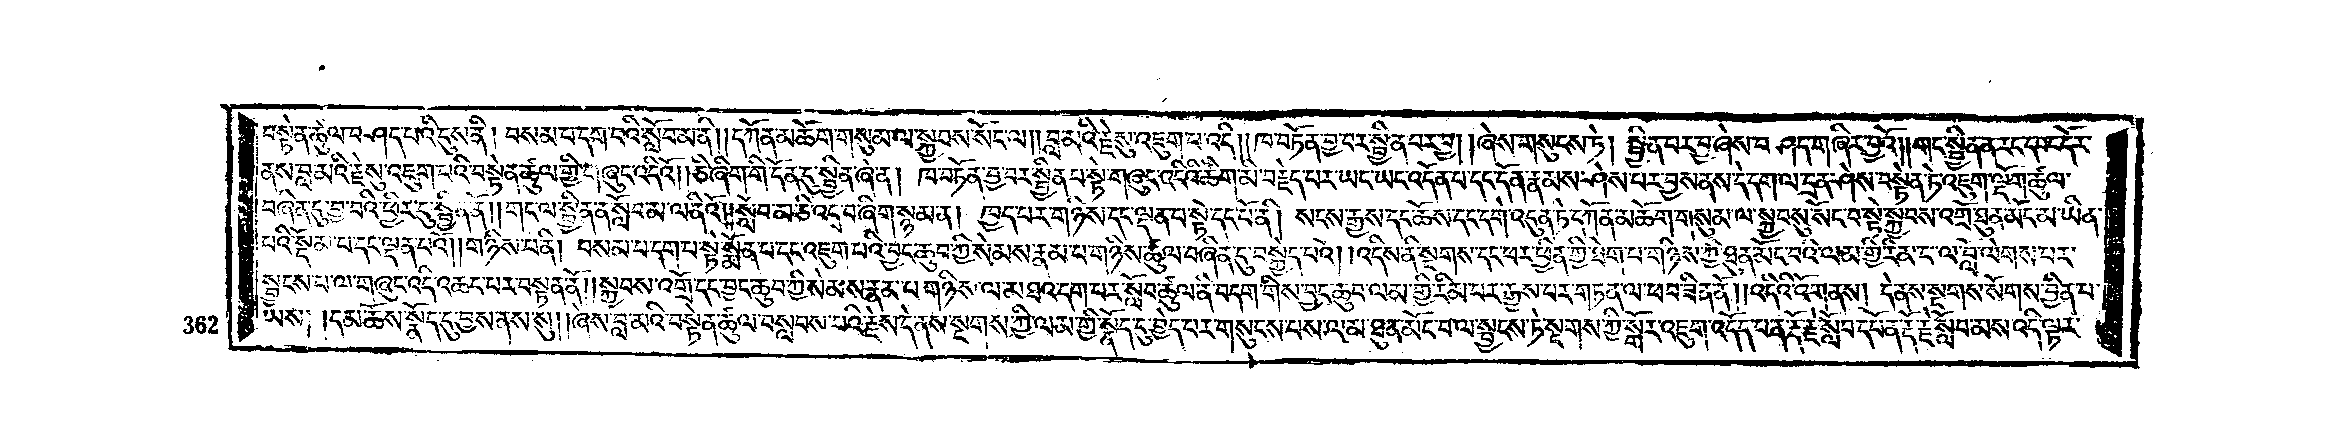བསྟེན་ཚུལ་བཤད་པའི་དུས་ནི། བསམ་པ་དག་པའི་སློབ་མ་ནི། །དཀོན་མཆོག་གསུམ་ལ་སྐྱབས་སོང་ལ། །བླ་མའི་རྗེས་སུ་འཇུག་པ་འདི། །ཁ་བཏོན་བྱ་བར་སྦྱིན་པར་བྱ། །ཞེས་གསུངས་ཏེ། སྦྱིན་པར་བྱ་ཞེས་བཤད་གཞིར་བྱའོ། །གང་སྦྱིན་ན་རང་དབང་དོར་
ནས་བླ་མའི་རྗེས་སུ་འཇུག་པའི་བསྟེན་ཚུལ་གྱི་གཞུང་འདིའོ། །ཅི་ཞིག་གི་དོན་དུ་སྦྱིན་ཞེ་ན། ཁ་བཏོན་བྱ་བར་སྦྱིན་པ་སྟེ་གཞུང་འདིའི་ཚིག་མི་བརྗེད་པར་ཡང་ཡང་འདོན་པ་དང་དོན་རྣམས་ཤེས་པར་བྱས་ནས་དེ་དག་ལ་དྲན་ཤེས་བསྟེན་ཏེ་འཇུག་ལྡོག་ཚུལ་
བཞིན་དུ་བྱ་བའི་ཕྱིར་དུ་སྦྱིན་ནོ། །གང་ལ་སྦྱིན་ན་སློབ་མ་ལ་ནིའོ། །སློབ་མ་ཅི་འདྲ་བ་ཞིག་སྙམ་ན། ཁྱད་པར་གཉིས་དང་ལྡན་པ་སྟེ་དང་པོ་ནི། སངས་རྒྱས་དང་ཆོས་དང་དགེ་འདུན་ཏེ་དཀོན་མཆོག་གསུམ་ལ་སྐྱབས་སུ་སོང་བ་སྟེ་སྐྱབས་འགྲོ་ཐུན་མོང་མ་ཡིན་
པའི་སྡོམ་པ་དང་ལྡན་པའོ། །གཉིས་པ་ནི། བསམ་པ་དག་པ་སྟེ་སྨོན་པ་དང་འཇུག་པའི་བྱང་ཆུབ་ཀྱི་སེམས་རྣམ་པ་གཉིས་ཚུལ་བཞིན་དུ་བསྐྱེད་པའོ། །འདིས་ནི་སྔགས་དང་ཕར་ཕྱིན་གྱི་ཐེག་པ་གཉིས་ཀྱི་ཐུན་མོང་བའི་ལམ་གྱི་རིམ་པར་ལ་བློ་ལེགས་པར་
སྦྱངས་པ་ལ་གཞུང་འདི་འཆང་པར་བསྟན་ནོ། །སྐྱབས་འགྲོ་དང་བྱང་ཆུབ་ཀྱི་སེམས་རྣམ་པ་གཉིས་ལ་མཐའ་དག་པར་སློབ་ཚུལ་ནི་བདག་གིས་བྱང་ཆུབ་ལམ་གྱི་རིམ་པར་རྒྱས་པར་གཏན་ལ་ཕབ་ཟིན་ནོ། །འདིའི་འོག་ནས། དེ་ནས་སྔགས་སོགས་བྱིན་པ་
ཡིས། །དམ་ཆོས་སྣོད་དུ་བྱས་ནས་སུ། །ཞེས་བླ་མའི་བསྟེན་ཚུལ་བསླབས་པའི་རྗེས་དེ་ནས་སྔགས་ཀྱི་ལམ་གྱི་སྣོད་དུ་བྱེད་པར་གསུངས་པས་ལམ་ཐུན་མོང་བ་ལ་སྦྱངས་ཏེ་སྔགས་ཀྱི་སྒོར་འཇུག་འདོད་པ་ན་རྡོ་རྗེ་སློབ་དཔོན་རྡོ་རྗེ་སློབ་མས་འདི་ལྟར་